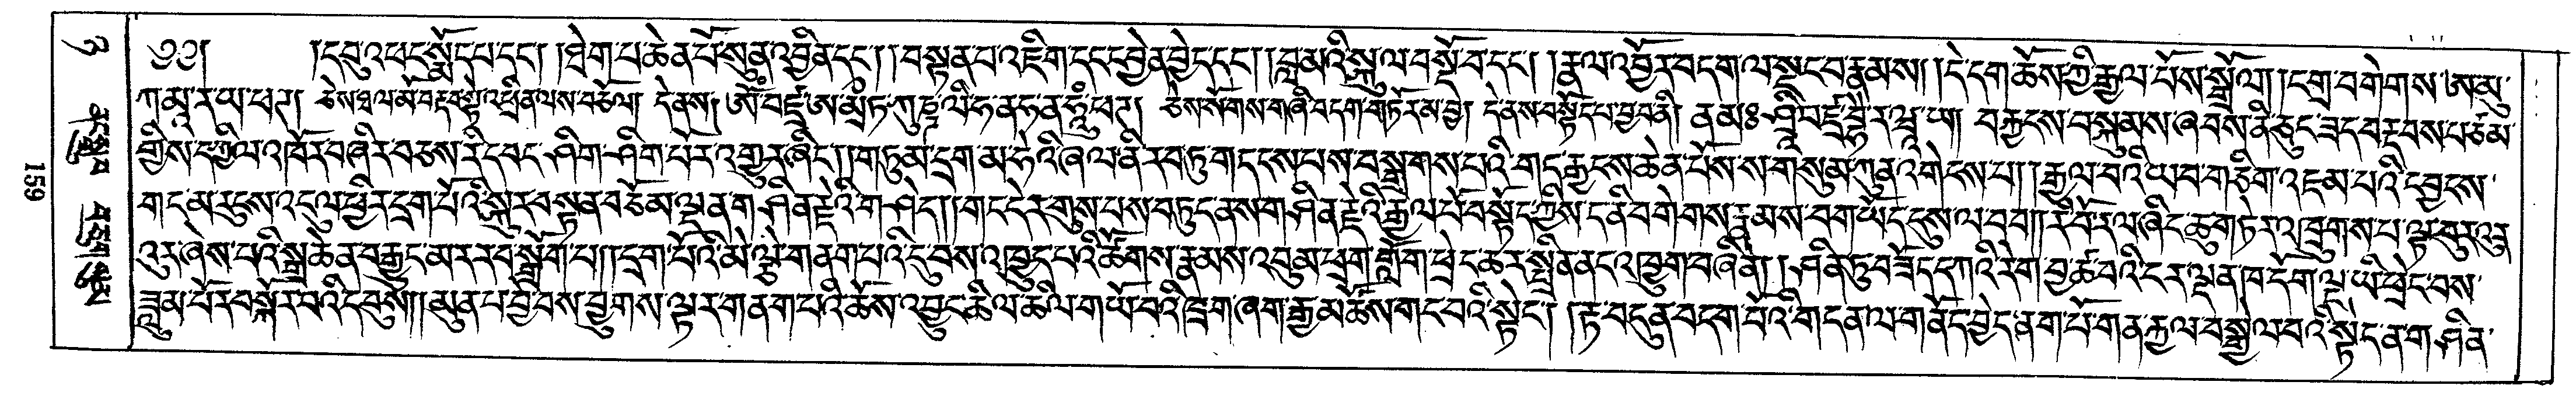༄༅། །དབུ་འཕང་སྨོད་པ་དང་། །ཐེག་པ་ཆེན་པོ་སུན་འབྱིན་དང་། །བསྟན་པ་འཇིག་དང་དབྱེན་བྱེད་དང་། །བླ་མའི་སྐུ་ལ་བསྔོ་བ་དང་། །རྣལ་འབྱོར་བདག་ལ་སྡང་བ་རྣམས། །དེ་དག་ཆོས་ཀྱི་རྒྱལ་པོས་སྒྲོལ། །དགྲ་བགེགས་ཨ་མུ་
ཀ་མཱ་ར་ཡ་ཕཊ་ཅེས་ཐལ་མོ་བརྡབ་སྟེ་འཕྲིན་ལས་བཅོལ། དེ་ནས༑ ཨོཾ་བཛྲ་ཨ་མྲྀཏ་ཀུཎྜ་ལི་ཧ་ན་ཧ་ན་ཧཱུཾ་ཕཊ། ཅེས་གོས་གཞི་བདག་གཏོར་མ་བྱ། དེ་ནས་བསྟོད་པ་བྱ་བ་ནི། ན་མཿ ཤྲཱི་བཛྲ་བྷཻར་ཝཱ་ཡ། བརྐྱངས་བསྐུམས་ཞབས་ནི་ཅུང་ཟད་བརྡབས་བ་ཙམ་
གྱིས་དཀྱིལ་འཁོར་བཞིར་བཅས་རི་དབང་ཤིག་ཤིག་པོར་འགྱུར་ཞིང་། །གཏུམ་དྲག་མ་ཧེའི་ཞལ་ནི་རབ་ཏུ་གདངས་པས་བསྒྲགས་པའི་གད་རྒྱངས་ཆེན་པོས་ས་གསུམ་ཀུན་འགེངས་པ། །རྒྱལ་བའི་ཡབ་གཅིག་འཇམ་པའི་དབྱངས་
གང་མ་རུངས་འདུལ་ཕྱིར་དྲག་པོའི་སྐུར་བསྟན་བཅོམ་ལྡན་གཤིན་རྗེའི་གཤེད། །གང་དེར་གུས་པས་བཏུད་ནས་གཤིན་རྗེའི་རྒྱལ་པོ་བསྟོད་ཀྱིས་ད་ནི་བགེགས་རྣམས་བག་ཡོད་དུས་ལ་བབ། །རི་བོ་རལ་ཞིང་ཆུ་གཏེར་འཁྲུགས་པ་ལྟ་བུར་འུར་
འུར་ཞེས་པའི་སྒྲ་ཆེན་བརྒྱུད་མར་རབ་སྒྲོག་པ། །དྲག་པོའི་མེ་ལྕེ་གནག་པའི་དུ་བས་འཁྱུད་པའི་ཚོགས་རྣམས་འབུམ་ཕྲག་གློག་ཕྲེང་ཆར་སྦྲིན་ནང་འཁྱུག་བཞིན། །ཤིན་ཏུ་བཟོད་དཀའི་རེག་བྱ་ཚ་བའི་ངར་ལྡན་ཁ་དོག་ལྔ་ཡི་ཕྲེང་བས་
ཟླུམ་པོར་བསྐོར་བའི་དབུས། །མུན་པ་བྱེ་བས་བྱུགས་ལྟར་གནག་པའི་ཆོས་འབྱུང་ཆལ་ཆིལ་གཡོ་བའི་ཁྲག་ཞག་རྒྱ་མཚོས་གང་བའི་སྟེང་། །རྟ་བདུན་བདག་པོའི་གདན་ལ་གནོད་བྱེད་ནག་པོ་གན་རྐྱལ་བསྒྱེལ་བའི་སྟེང་ན་གཤིན་